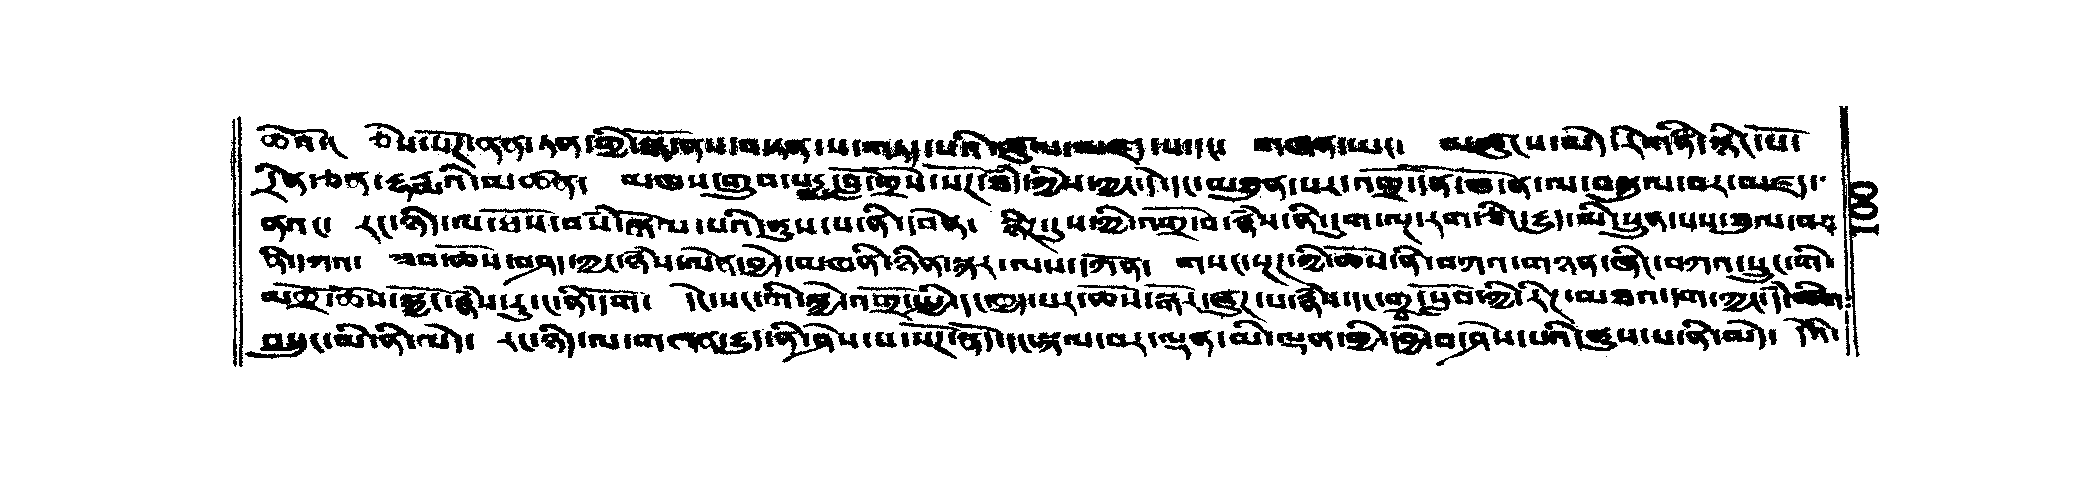ཆེའོ། ཞེས་སོགས་ནན་ཏན་གྱི་སྒོ་ནས་བསྟན་པ་གཏད་པའི་ཚུལ་མཛད་པ་དང་། གཞན་ཡང་། མཚུངས་མེད་རིག་འཛིན་སྙིང་པོ། 
དྲིན་ཅན་དྷརྨའི་མཚན། མཁས་གྲུབ་པདྨ་བློ་གྲོས་སོགས་ཐམས་ཅད་ཀྱིས་ཀྱང་དེ་དང་མཐུན་པར་འགྲོ་དོན་ཁོ་ན་ལ་བསྐུལ་བར་མཛད་
ནའང་། རང་ཉིད་ལ་ཐོས་བསམ་སྒོམ་པའི་ནུས་པ་ནི་དབེན། སྙིགས་དུས་ཀྱི་འགྲོ་བ་རྣམས་ནི་དུག་ལྔ་རགས་ཤིང་རྒྱུད་མི་སྲུན་པས་ཐུལ་བར་
ནི་དཀའ། ཟབ་ཆོས་བཤད་ཀྱང་ཉམས་ལེན་བྱེད་མཁན་ནི་ཉིན་སྐར་ལས་དཀོན། གསང་སྔགས་ཀྱི་ཆོས་ནི་བཀའ་གཉན་ཞིང་བཀའ་སྲུང་གི་
མཁའ་འགྲོ་ཆོས་སྐྱོང་རྣམས་རུ་ང་ནི་དོག དེང་སང་གི་སྐྱེ་འགྲོ་སྤྱི་དང་ཁྱད་པར་ཆོས་སྒོར་ཞུགས་པ་རྣམས་དང་གྲྭ་སློབ་ཀྱི་རིགས་མཐའ་དག་ཀྱང་དམ་ཚིག་
བསྲུང་མི་ནི་མེད། རང་ཉིད་ལ་གཞན་རྒྱུད་ཤེས་པ་སོགས་སྣོད་དང་སྐལ་བར་ལྡན་མི་ལྡན་གྱི་དབྱེ་བ་ཤེས་པའི་ནུས་པ་ནི་མེད། དེའི་